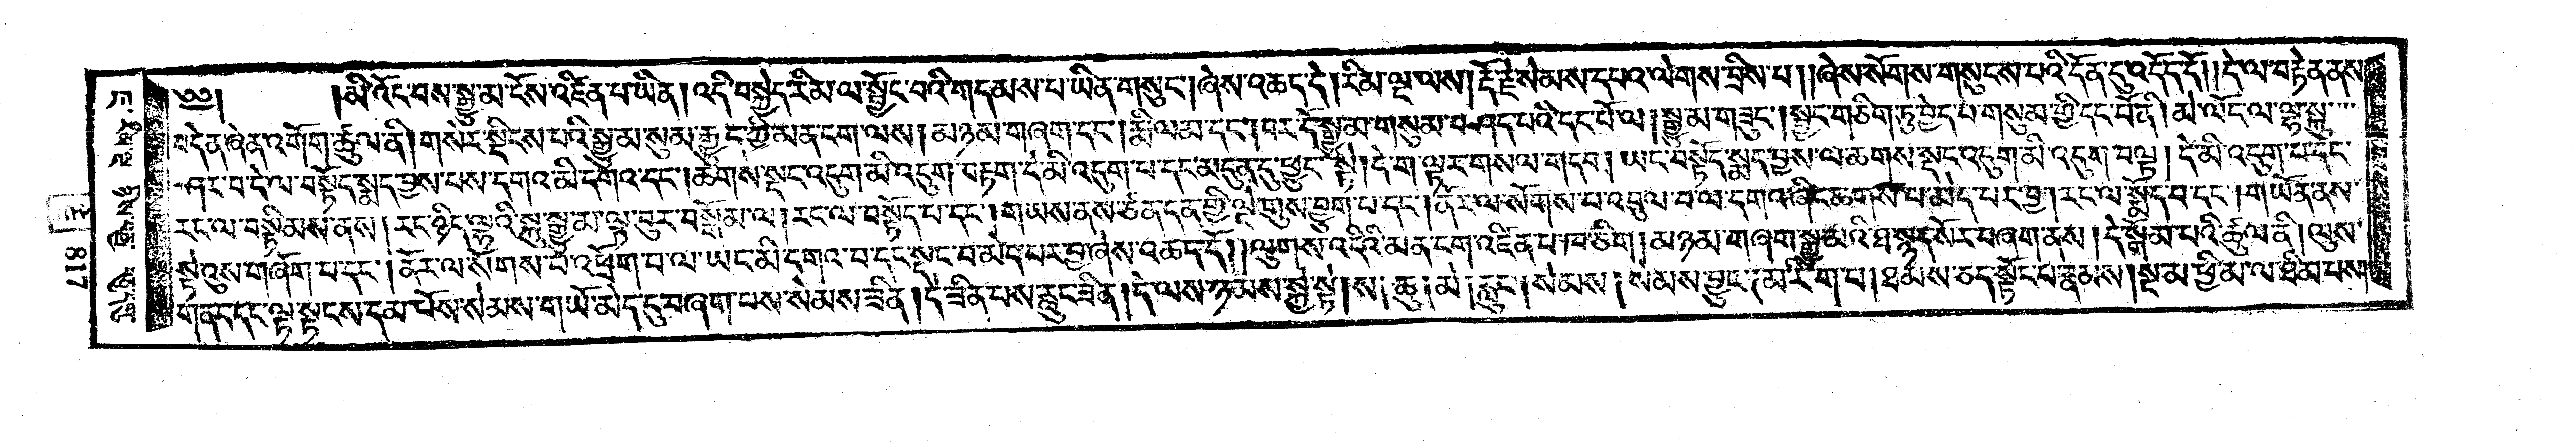༄༅། །མི་འོང་བས་སྒྱུ་མ་ངོས་འཛིན་པ་ཡིན། འདི་བསྐྱེད་རིམ་ལ་སྦྱོང་བའི་གདམས་པ་ཡིན་གསུང་། ཞེས་འཆད་དེ། རིམ་ལྔ་ལས། རྡོ་རྗེ་སེམས་དཔའ་ལེགས་བྲིས་པ། །ཞེས་སོགས་གསུངས་པའི་དོན་དུ་འདོད་དོ། །དེ་ལ་བརྟེན་ནས་
བདེན་ཞེན་འགོག་ཚུལ་ནི། གསེར་སྡིངས་པའི་སྒྱུ་མ་སུམ་རྒྱུད་ཀྱི་མན་ངག་ལས། མཉམ་གཞག་དང་། རྨི་ལམ་དང་། བར་དོ་སྒྱུ་མ་གསུམ་བཤད་པའི་དང་པོ་ལ། སྒྱུ་མ་གཟུང་། སྦྱང་གཅིག་ཏུ་བྱེད་པ་གསུམ་གྱི་དང་པོ་ནི། མེ་ལོང་ལ་ལྷ་སྐུ་
ཤར་བ་དེ་ལ་བསྟོད་སྨད་བྱས་པས་དགའ་མི་དགའ་དང་། ཆགས་སྡང་འདུག་མི་འདུག་བརྟག་དེ་མི་འདུག་པ་དང་མདུན་དུ་ཕྱུང་སྟེ། དེ་ག་ལྟར་གསལ་གདབ། ཡང་བསྟོད་སྨད་བྱས་ལ་ཆགས་སྡང་འདུག་མི་འདུག་བལྟ། དེ་མི་འདུག་པ་དང་
རང་ལ་བསྟིམས་ནས། རང་ཉིད་ལྷའི་སྐུ་སྒྱུ་མ་ལྟ་བུར་བསྒོམ་ལ། རང་ལ་བསྟོད་པ་དང་། གཡས་ནས་ཙན་དན་གྱི་ལྡེ་གུས་བྱུག་པ་དང་། ནོར་ལ་སོགས་པ་འབུལ་བ་ལ་དགའ་ཞིང་ཆགས་པ་མེད་པར་བྱ། རང་ལ་སྨོད་པ་དང་། གཡོན་ནས་
སྟེ་འུས་གཞོག་པ་དང་། ནོར་ལ་སོགས་པ་འཕྲོག་བ་ལ་ཡང་མི་དགའ་བ་དང་སྡང་བ་མེད་པར་བྱ་ཞེས་འཆད་དོ། །ལུགས་འདིའི་མན་ངག་འཛིན་པ་ཁ་ཅིག །མཉམ་གཞག་སྒྱུ་མའི་ཐ་སྙད་སོར་བཞག་ནས། དེ་སྒོམ་པའི་ཚུལ་ནི། ལུས་
གནད་དང་ལྟ་སྟངས་དམ་པོས་སེམས་གཡོ་མེད་དུ་བཞག་པས་སེམས་ཟིན། དེ་ཟིན་པས་རླུང་ཟིན། དེ་ལས་ཉམས་སྐྱེ་སྟེ། ས། ཆུ། མེ། རླུང་། སེམས། སེམས་བྱུང་། མ་རིག་པ། ཐམས་ཅད་སྟོང་པ་རྣམས། སྔ་མ་ཕྱི་མ་ལ་ཐིམ་པས།